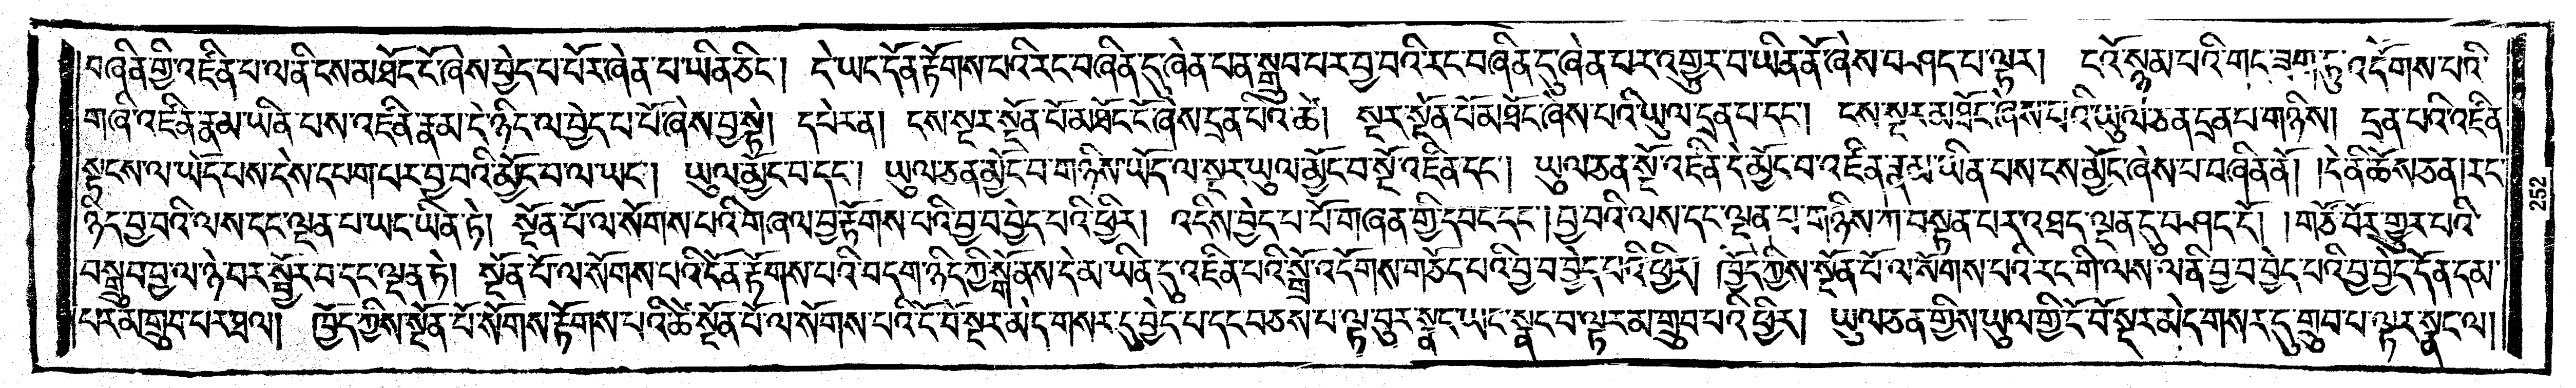བཞིན་གྱི་འཛིན་པ་ལ་ནི་ངས་མཐོང་ངོ་ཞེས་བྱེད་པ་པོར་ཞེན་པ་ཡིན་ཅིང་། དེ་ཡང་དོན་རྟོགས་པའི་རང་བཞིན་དུ་ཞེན་པ་ན་སྒྲུབ་པར་བྱ་བའི་རང་བཞིན་དུ་ཞེན་པར་འགྱུར་བ་ཡིན་ནོ་ཞེས་བཤད་པ་ལྟར། ངའོ་སྙམ་པའི་གང་ཟག་ཏུ་འདོགས་པའི་
གཞི་འཛིན་རྣམ་ཡིན་པས་འཛིན་རྣམ་དེ་ཉིད་ལ་བྱེད་པ་པོ་ཞེས་བྱ་སྟེ། དཔེར་ན། ངས་སྔར་སྔོན་པོ་མཐོང་ངོ་ཞེས་དྲན་པའི་ཚེ། སྔར་སྔོན་པོ་མཐོང་ཞེས་པའི་ཡུལ་དྲན་པ་དང་། ངས་སྔར་མཐོང་ཞེས་པའི་ཡུལ་ཅན་དྲན་པ་གཉིས། དྲན་པའི་འཛིན་
སྟངས་ལ་ཡོད་པས་དེས་དཔག་པར་བྱ་བའི་མྱོང་བ་ལ་ཡང་། ཡུལ་མྱོང་བ་དང་། ཡུལ་ཅན་མྱོང་བ་གཉིས་ཡོད་ལ་སྔར་ཡུལ་མྱོང་བ་སྔོ་འཛིན་དང་། ཡུལ་ཅན་སྔོ་འཛིན་དེ་མྱོང་བ་འཛིན་རྣམ་ཡིན་པས་ངས་མྱོང་ཞེས་པ་བཞིན་ནོ། །དེ་ནི་ཆོས་ཅན། རང་
ཉིད་བྱ་བའི་ལས་དང་ལྡན་པ་ཡང་ཡིན་ཏེ། སྔོན་པོ་ལ་སོགས་པའི་གཞལ་བྱ་རྟོགས་པའི་བྱ་བ་བྱེད་པའི་ཕྱིར། འདིས་བྱེད་པ་པོ་གཞན་གྱི་དབང་དང་། བྱ་བའི་ལས་དང་ལྡན་པ་གཉིས་ཀ་བསྟན་པར་འཐད་ལྡན་དུ་བཤད་དོ། །གཙོ་བོར་གྱུར་པའི་
བསྒྲུབ་བྱ་ལ་ཉེ་བར་སྦྱོར་བ་དང་ལྡན་ཏེ། སྔོན་པོ་ལ་སོགས་པའི་དོན་རྟོགས་པའི་བདག་ཉིད་ཀྱི་སྒོ་ནས་དེ་མ་ཡིན་དུ་འཛིན་པའི་སྒྲོ་འདོགས་གཅོད་པའི་བྱ་བ་བྱེད་པའི་ཕྱིར། ཁྱོད་ཀྱིས་སྔོན་པོ་ལ་སོགས་པའི་རང་གི་ལས་ལ་ནི་བྱ་བ་བྱེད་པའི་བྱ་བྱེད་དོན་དམ་
པར་མ་གྲུབ་པར་ཐལ། ཁྱོད་ཀྱིས་སྔོན་པོ་སོགས་རྟོགས་པའི་ཚེ་སྔོན་པོ་ལ་སོགས་པའི་ངོ་བོ་སྔར་མེད་གསར་དུ་བྱེད་པ་དང་བཅས་པ་ལྟ་བུར་སྣང་ཡང་སྣང་བ་ལྟར་མ་གྲུབ་པའི་ཕྱིར། ཡུལ་ཅན་གྱིས་ཡུལ་གྱི་ངོ་བོ་སྔར་མེད་གསར་དུ་གྲུབ་པ་ལྟར་སྣང་ལ།